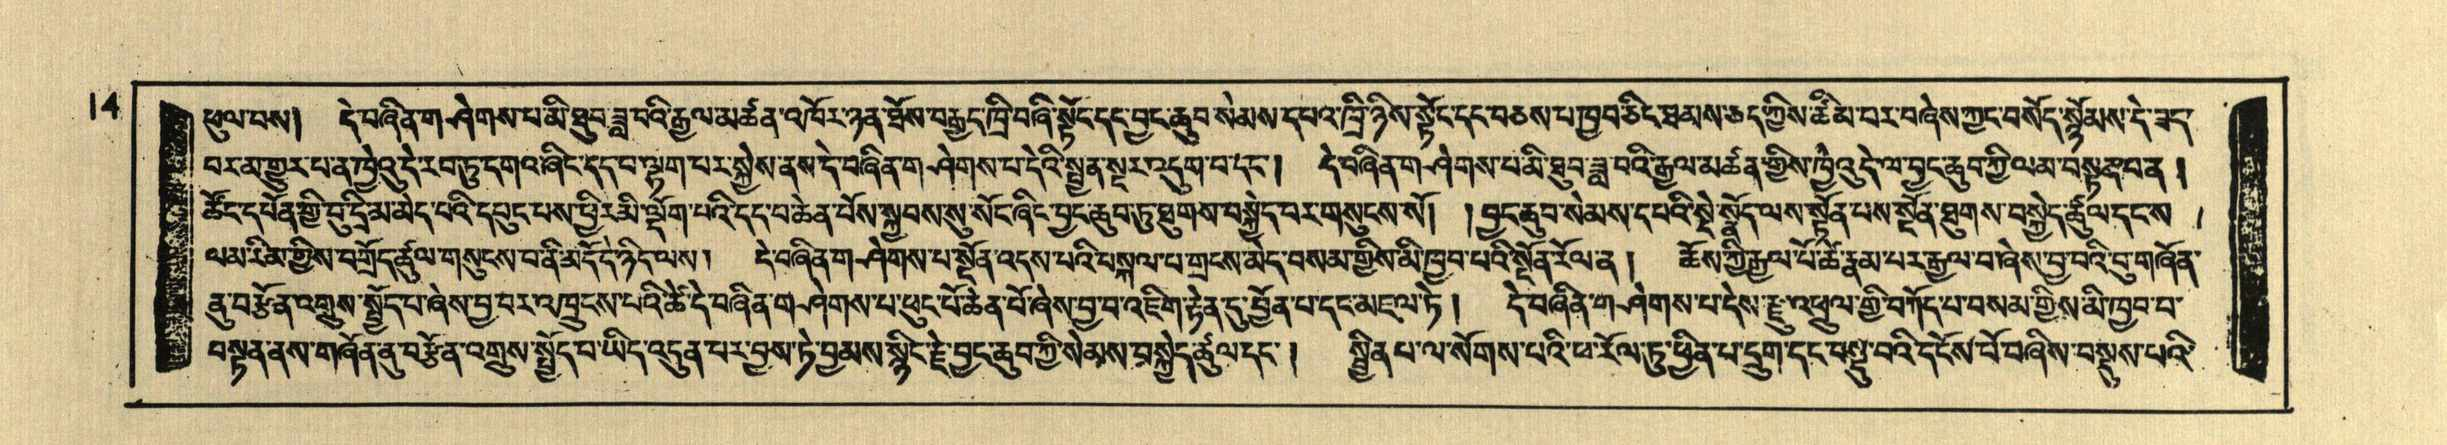ཕུལ་བས། དེ་བཞིན་གཤེགས་པ་མི་ཐུབ་ཟླ་བའི་རྒྱལ་མཚན་འཁོར་ཉན་ཐོས་བརྒྱད་ཁྲི་བཞི་སྟོང་དང་བྱང་ཆུབ་སེམས་དཔའ་ཁྲི་ཉིས་སྟོང་དང་བཅས་པ་ཁྱབ་ཅིང་ཐམས་ཅད་ཀྱིས་ཚིམ་པར་བཞེས་ཀྱང་བསོད་སྙོམས་དེ་ཟད་
བར་མ་གྱུར་པ་ན་ཁྱེའུ་དེ་རབ་ཏུ་དགའ་ཞིང་དད་པ་ལྷག་པར་སྐྱེས་ནས་དེ་བཞིན་གཤེགས་པ་དེའི་སྤྱན་སྔར་འདུག་པ་དང་། དེ་བཞིན་གཤེགས་པ་མི་ཐུབ་ཟླ་བའི་རྒྱལ་མཚན་གྱིས་ཁྱེའུ་དེ་ལ་བྱང་ཆུབ་ཀྱི་ལམ་བསྟན་པ་ན།
ཚོང་དཔོན་གྱི་བུ་དྲི་མ་མེད་པའི་དཔུང་པས་ཕྱིར་མི་ལྡོག་པའི་དད་པ་ཆེན་པོས་སྐྱབས་སུ་སོང་ཞིང་བྱང་ཆུབ་ཏུ་ཐུགས་བསྐྱེད་པར་གསུངས་སོ། །བྱང་ཆུབ་སེམས་དཔའི་སྡེ་སྣོད་ལས་སྟོན་པས་སྔོན་ཐུགས་བསྐྱེད་ཚུལ་དང་ས།
ལམ་རིམ་གྱིས་བགྲོད་ཚུལ་གསུངས་པ་ནི་མདོ་དེ་ཉིད་ལས། དེ་བཞིན་གཤེགས་པ་སྔོན་འདས་པའི་བསྐལ་པ་གྲངས་མེད་བསམ་གྱིས་མི་ཁྱབ་པའི་སྔོན་རོལ་ན། ཆོས་ཀྱི་རྒྱལ་པོ་ཚེ་རྣམ་པར་རྒྱལ་བ་ཞེས་བྱ་བའི་བུ་གཞོན་
ནུ་བརྩོན་འགྲུས་སྤྱོད་པ་ཞེས་བྱ་བར་འཁྲུངས་པའི་ཚེ་དེ་བཞིན་གཤེགས་པ་ཕུང་པོ་ཆེན་པོ་ཞེས་བྱ་བ་འཇིག་རྟེན་དུ་བྱོན་པ་དང་མཇལ་ཏེ། དེ་བཞིན་གཤེགས་པ་དེས་རྫུ་འཕྲུལ་གྱི་བཀོད་པ་བསམ་གྱིས་མི་ཁྱབ་བ་
བསྟན་ནས་གཞོན་ནུ་བརྩོན་འགྲུས་སྤྱོད་པ་ཡིད་འདུན་པར་བྱས་ཏེ་བྱམས་སྙིང་རྗེ་བྱང་ཆུབ་ཀྱི་སེམས་བསྐྱེད་ཚུལ་དང་། སྦྱིན་པ་ལ་སོགས་པའི་ཕ་རོལ་ཏུ་ཕྱིན་པ་དྲུག་དང་བསྡུ་བའི་དངོས་པོ་བཞིས་བསྡུས་པའི་